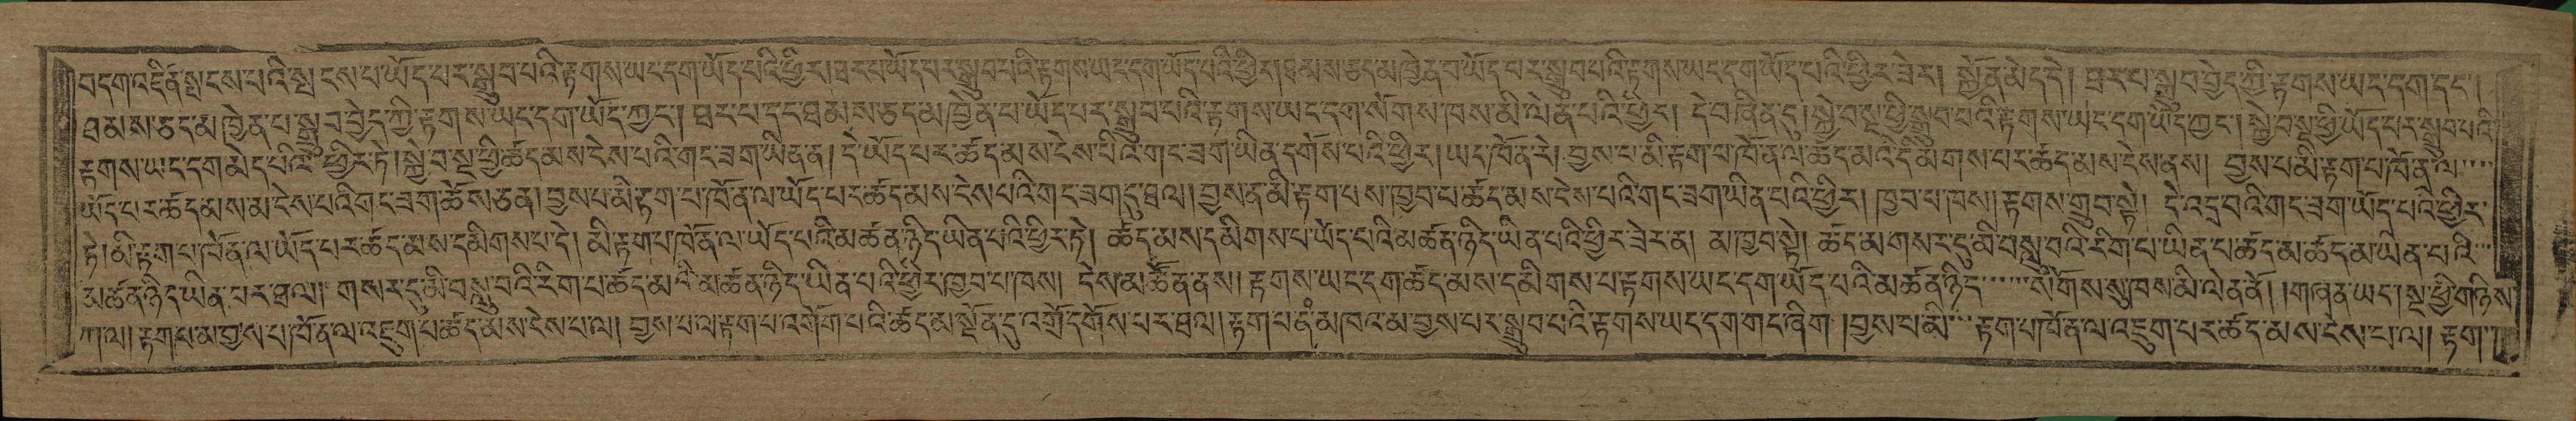བདག་འཛིན་སྤངས་པའི་སྤངས་པ་ཡོད་པར་སྒྲུབ་པའི་རྟགས་ཡང་དག་ཡོད་པའི་ཕྱིར། ཐར་པ་ཡོད་པར་སྒྲུབ་པའི་རྟགས་ཡང་དག་ཡོད་པའི་ཕྱིར། ཐམས་ཅད་མཁྱེན་པ་ཡོད་པར་སྒྲུབ་པའི་རྟགས་ཡང་དག་ཡོད་པའི་ཕྱིར་ཟེར། སྐྱོན་མེད་དེ། ཐར་པ་སྒྲུབ་བྱེད་ཀྱི་རྟགས་ཡང་དག་དང་།
ཐམས་ཅད་མཁྱེན་པ་སྒྲུབ་བྱེད་ཀྱི་རྟགས་ཡང་དག་ཡོད་ཀྱང་། ཐར་པ་དང་ཐམས་ཅད་མཁྱེན་པ་ཡོད་པར་སྒྲུབ་པའི་རྟགས་ཡང་དག་སོགས་ཁས་མི་ལེན་པའི་ཕྱིར། དེ་བཞིན་དུ། སྐྱེ་བ་སྔ་ཕྱི་སྒྲུབ་པའི་རྟགས་ཡང་དག་ཡོད་ཀྱང་། སྐྱེ་བ་སྔ་ཕྱི་ཡོད་པར་སྒྲུབ་པའི་
རྟགས་ཡང་དག་མེད་པའི་ཕྱིར་ཏེ། སྐྱེ་བ་སྔ་ཕྱི་ཚད་མས་ངེས་པའི་གང་ཟག་ཡིན་ན། དེ་ཡོད་པར་ཚད་མས་ངེས་པའི་གང་ཟག་ཡིན་དགོས་པའི་ཕྱིར། ཡང་ཁོ་ན་རེ། བྱས་པ་མི་རྟག་པ་ཁོ་ན་ལ་ཚད་མས་དམིགས་པར་ཚད་མས་ངེས་ནས། བྱས་པ་མི་རྟག་པ་ཁོ་ན་ལ་
ཡོད་པར་ཚད་མས་མ་ངེས་པའི་གང་ཟག་ཆོས་ཅན། བྱས་པ་མི་རྟག་པ་ཁོ་ན་ལ་ཡོད་པར་ཚད་མས་ངེས་པའི་གང་ཟག་དུ་ཐལ། བྱས་ན་མི་རྟག་པས་ཁྱབ་པ་ཚད་མས་ངེས་པའི་གང་ཟག་ཡིན་པའི་ཕྱིར། ཁྱབ་པ་ཁས། རྟགས་གྲུབ་སྟེ། དེ་འདྲ་བའི་གང་ཟག་ཡོད་པའི་ཕྱིར་
ཏེ། མི་རྟག་པ་ཁོ་ན་ལ་ཡོད་པར་ཚད་མས་དམིགས་པ་དེ། མི་རྟག་པ་ཁོ་ན་ལ་ཡོད་པའི་མཚན་ཉིད་ཡིན་པའི་ཕྱིར་ཏེ། ཚད་མས་དམིགས་པ་ཡོད་པའི་མཚན་ཉིད་ཡིན་པའི་ཕྱིར་ཟེར་ན། མ་ཁྱབ་སྟེ། ཚད་མ་གསར་དུ་མི་བསླུ་བའི་རིག་པ་ཡིན་པ་ཚད་མ་ཚད་མ་ཡིན་པའི་
མཚན་ཉིད་ཡིན་པར་ཐལ། གསར་དུ་མི་བསླུ་བའི་རིག་པ་ཚད་མའི་མཚན་ཉིད་ཡིན་པའི་ཕྱིར་ཁྱབ་པ་ཁས། དེས་མཚོན་ནས། རྟགས་ཡང་དག་ཚད་མས་དམིགས་པ་རྟགས་ཡང་དག་ཡོད་པའི་མཚན་ཉིད་སོགས་སུ་ཁས་མི་ལེན་ནོ། །གཞན་ཡང་། སྔ་ཕྱི་གཉིས་
ཀ་ལ། རྟག་པ་མ་བྱས་པ་ཁོ་ན་ལ་འཇུག་པ་ཚད་མས་ངེས་པ་ལ། བྱས་པ་ལ་རྟག་པ་འགོག་པའི་ཚད་མ་སྔོན་དུ་འགྲོ་དགོས་པར་ཐལ། རྟག་པ་ནམ་མཁའ་མ་བྱས་པར་སྒྲུབ་པའི་རྟགས་ཡང་དག་གང་ཞིག །བྱས་པ་མི་རྟག་པ་ཁོ་ན་ལ་འཇུག་པར་ཚད་མས་ངེས་པ་ལ། རྟག་